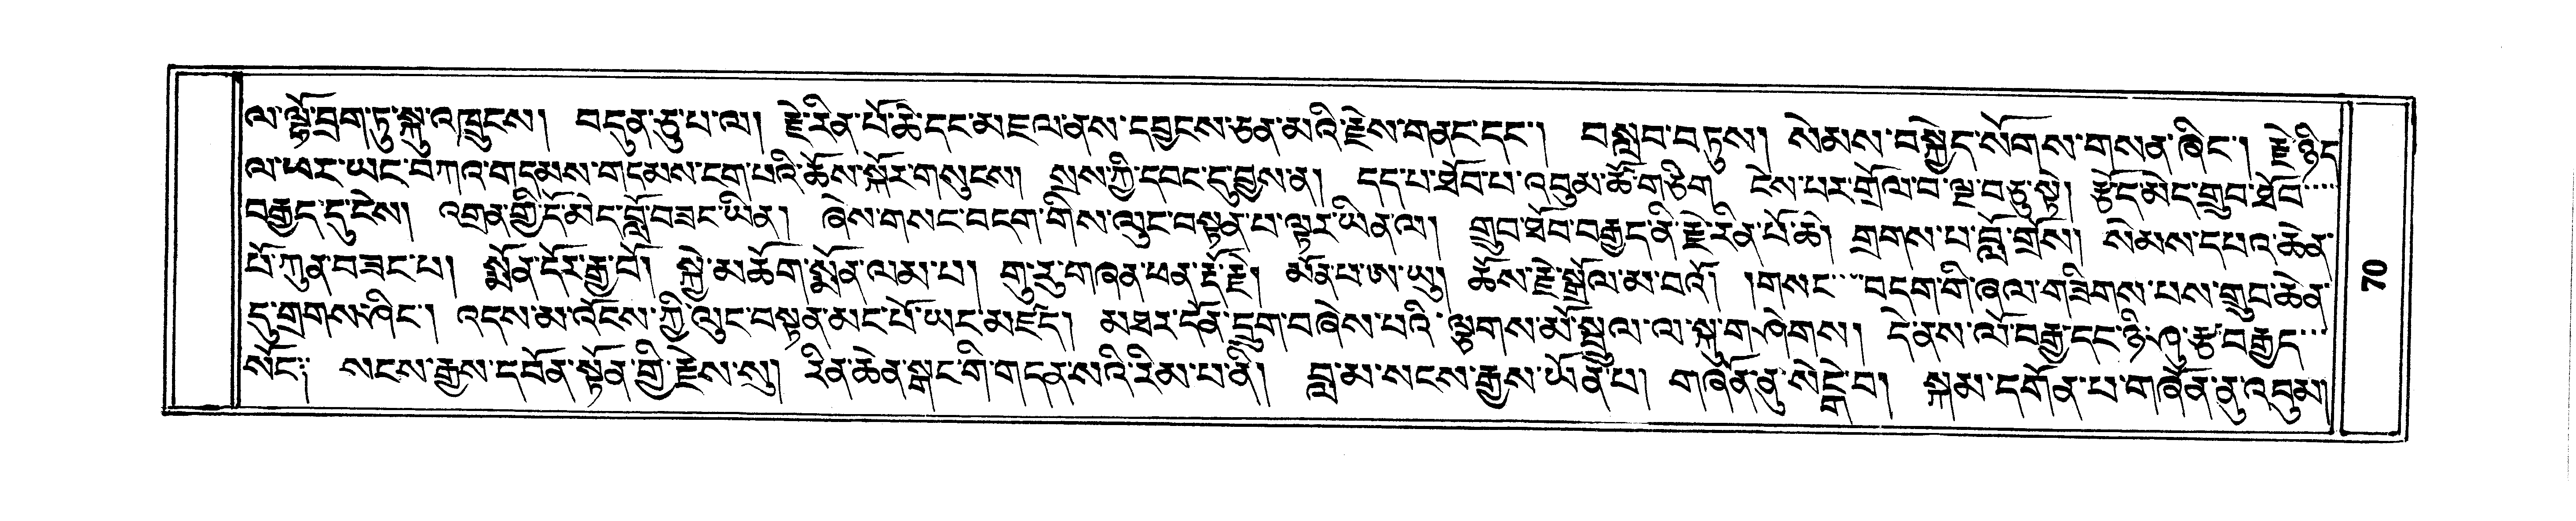ལ་ལྷོ་བྲག་ཏུ་སྐུ་འཁྲུངས། བདུན་ཅུ་པ་ལ། རྗེ་རིན་པོ་ཆེ་དང་མཇལ་ནས་དབྱངས་ཅན་མའི་རྗེས་གནང་དང་། བསླབ་བཏུས། སེམས་བསྐྱེད་སོགས་གསན་ཞིང་། རྗེ་ཉིད་
ལ་ཕར་ཡང་བཀའ་གདམས་གདམས་ངག་པའི་ཆོས་སྐོར་གསུངས། སྲས་ཀྱི་དབང་དུ་བྱས་ན། དད་པ་ཐོབ་པ་འབུམ་ཚོ་གཅིག་ངེས་པར་གྲོལ་བ་ལྔ་བཅུ་སྟེ། རྩོད་མེད་གྲུབ་ཐོབ་
བརྒྱད་དུ་ངེས། འགྲན་གྱི་དོ་མེད་བློ་བཟང་ཡིན། ཞེས་གསང་བདག་གིས་ལུང་བསྟན་པ་ལྟར་ཡིན་ལ། གྲུབ་ཐོབ་བརྒྱད་ནི་རྗེ་རིན་པོ་ཆེ། གྲགས་པ་བློ་གྲོས། སེམས་དཔའ་ཆེན་
པོ་ཀུན་བཟང་པ། སྨོན་དོར་རྒྱ་བོ། སྐྱེ་མཆོག་སྨོན་ལམ་པ། གུ་རུ་གཞན་ཕན་རྡོ་རྗེ། མོན་པ་ཨ་ཡུ། ཆོས་རྗེ་སྒྲོལ་མ་བའོ། །གསང་བདག་གི་ཞལ་གཟིགས་པས་གྲུབ་ཆེན་
དུ་གྲགས་ཤིང་། འདས་མ་འོངས་ཀྱི་ལུང་བསྟན་མང་པོ་ཡང་མཛད། མཐར་དོན་དྲུག་བཞེས་པའི་ལྕགས་མོ་སྦྲུལ་ལ་སྐུ་གཤེགས། དེ་ནས་ལོ་བརྒྱ་དང་ཉི་ཤུ་རྩ་བརྒྱད་
སོང༑ སངས་རྒྱས་དབོན་སྟོན་གྱི་རྗེས་སུ། རིན་ཆེན་སྒང་གི་གདན་སའི་རིམ་པ་ནི། བླ་མ་སངས་རྒྱས་ཡོན་པ། གཞོན་ནུ་སེངྒེ་བ། སྐམ་དགོན་པ་གཞོན་ནུ་འབུམ།